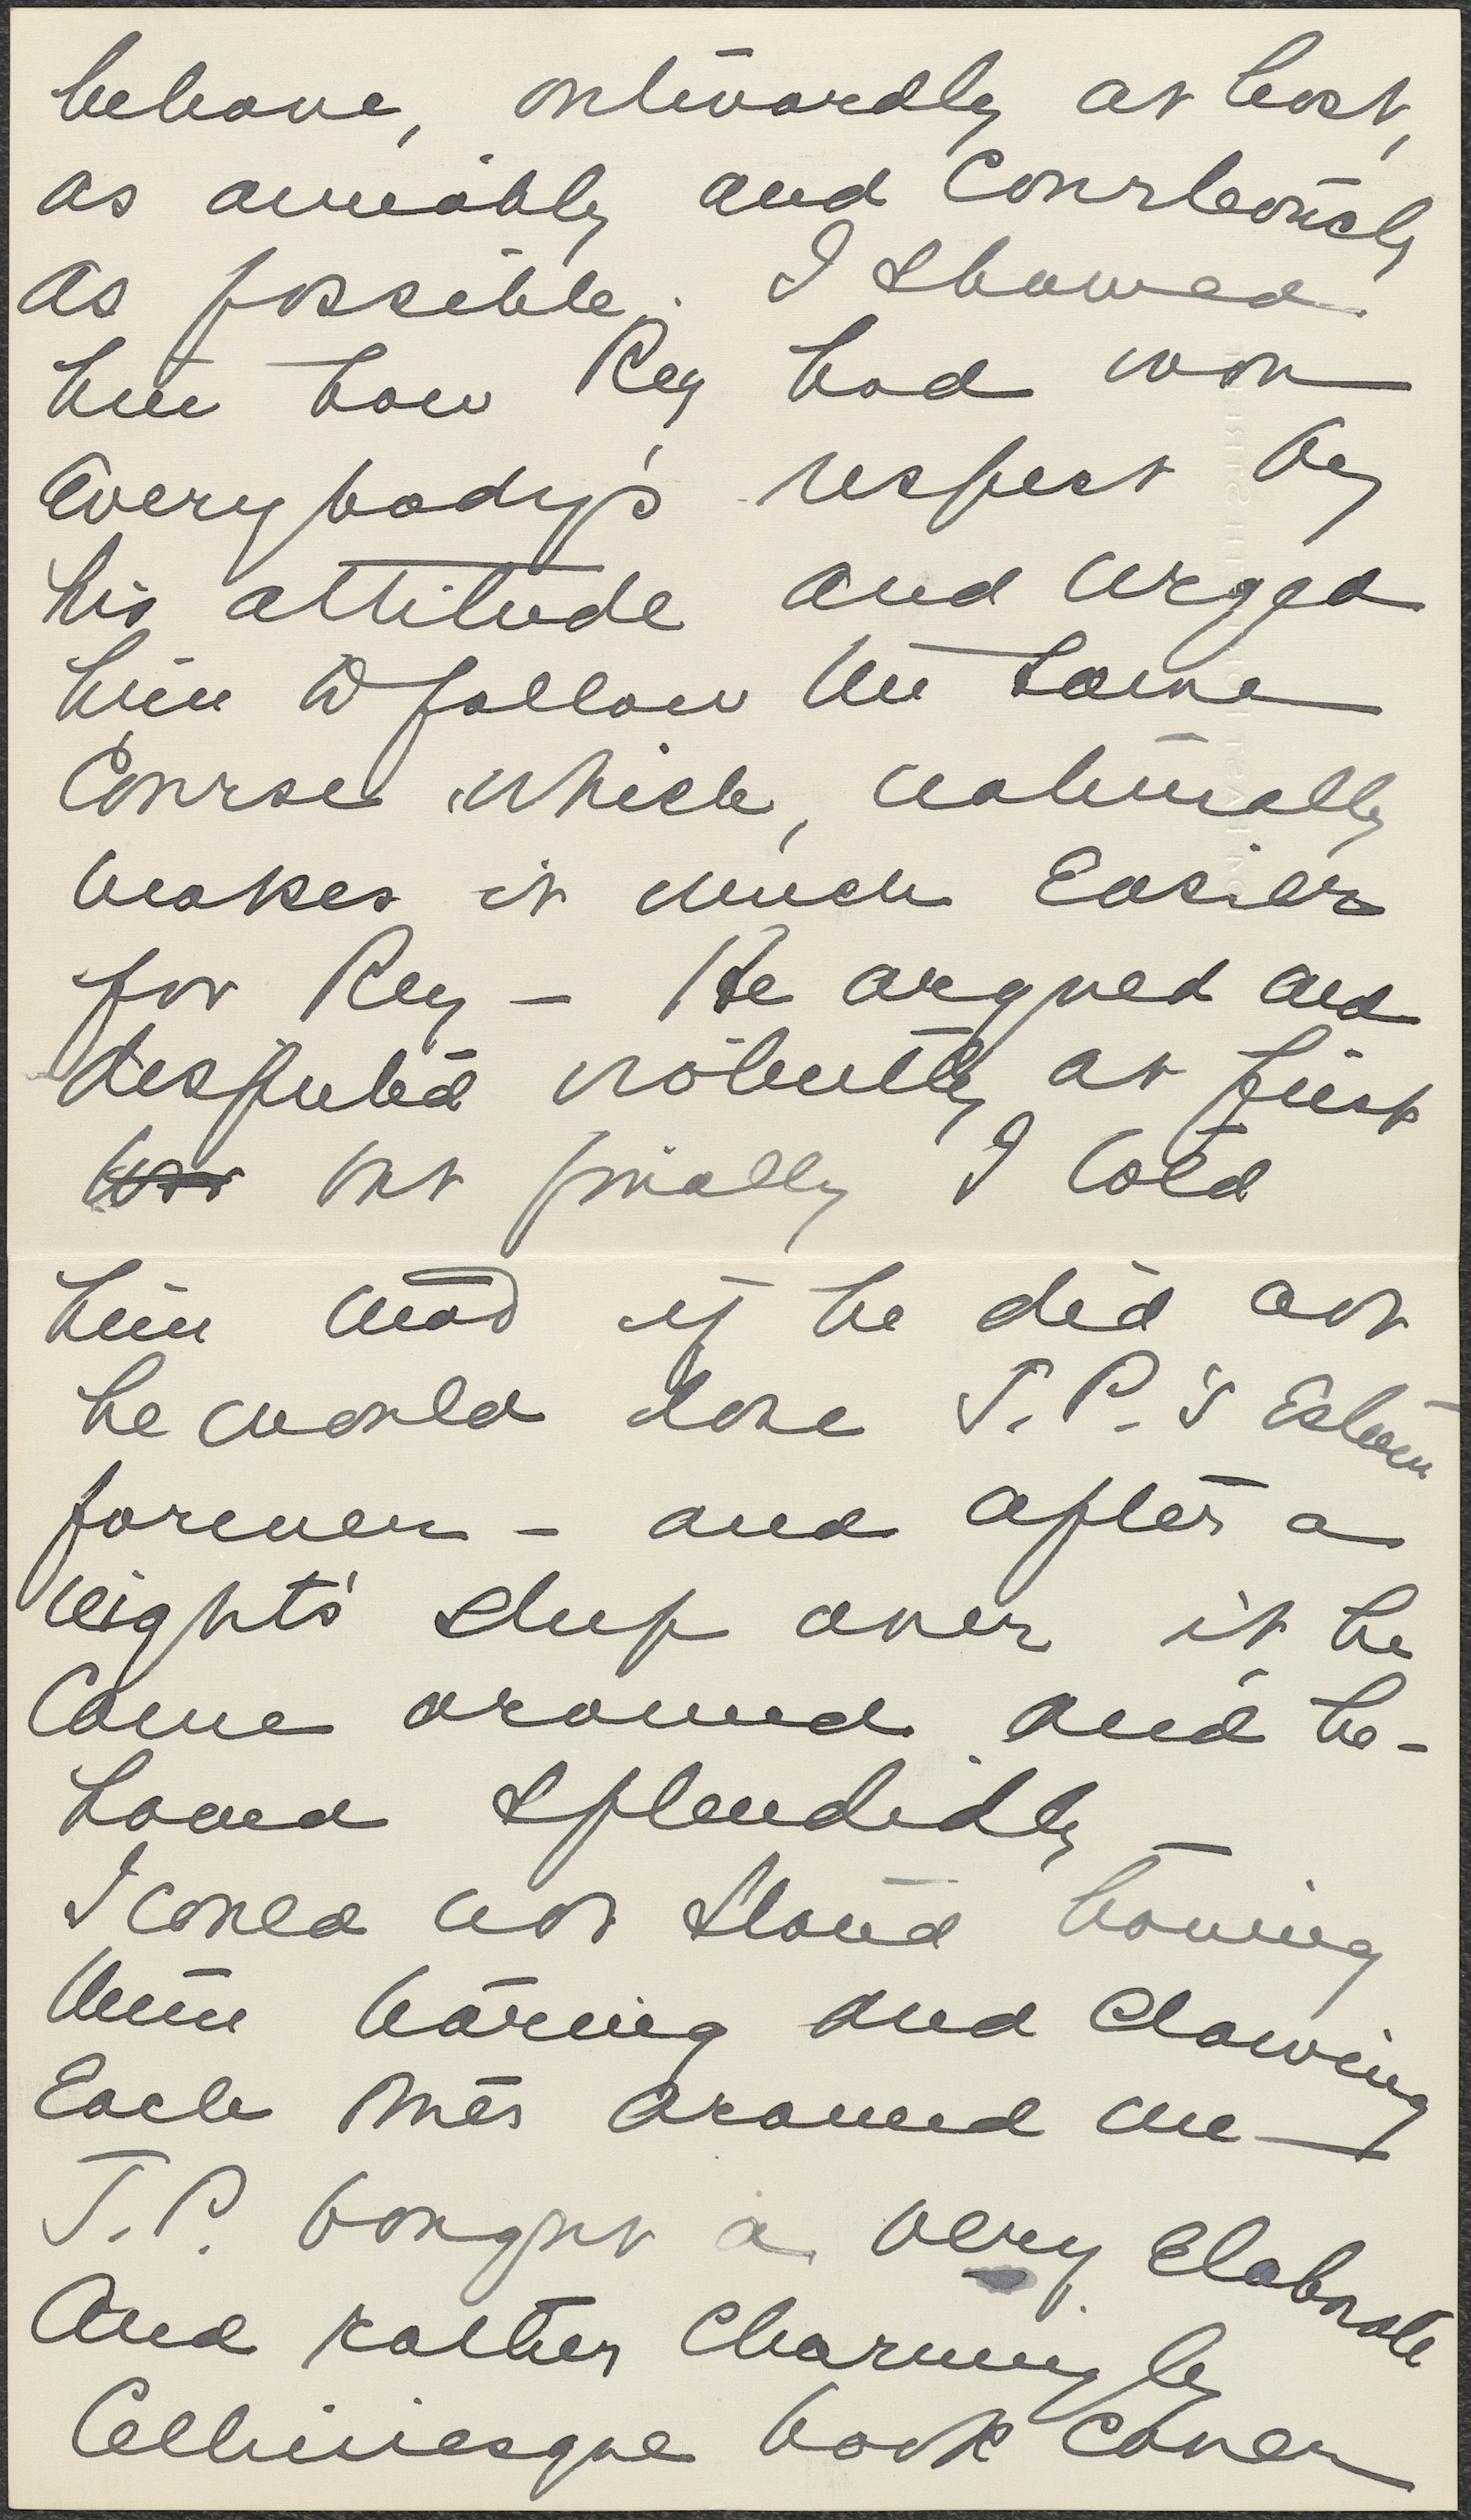behave, outwardly at least, as amiably and courteously as possible. I showed him how Rey had won everybody’s respect by his attitude and urged him to follow the same course which, naturally makes it much easier for Rey – He argued and disputed violently at first was but finally I told him that if he did not he would lose J. P.’s esteem forever – and after a night’s sleep over it he came around and behaved splendidly –
I could not stand having them tearing and clawing each other around me – J. P. bought a very elaborate and rather charmingly Celliniesque book cover